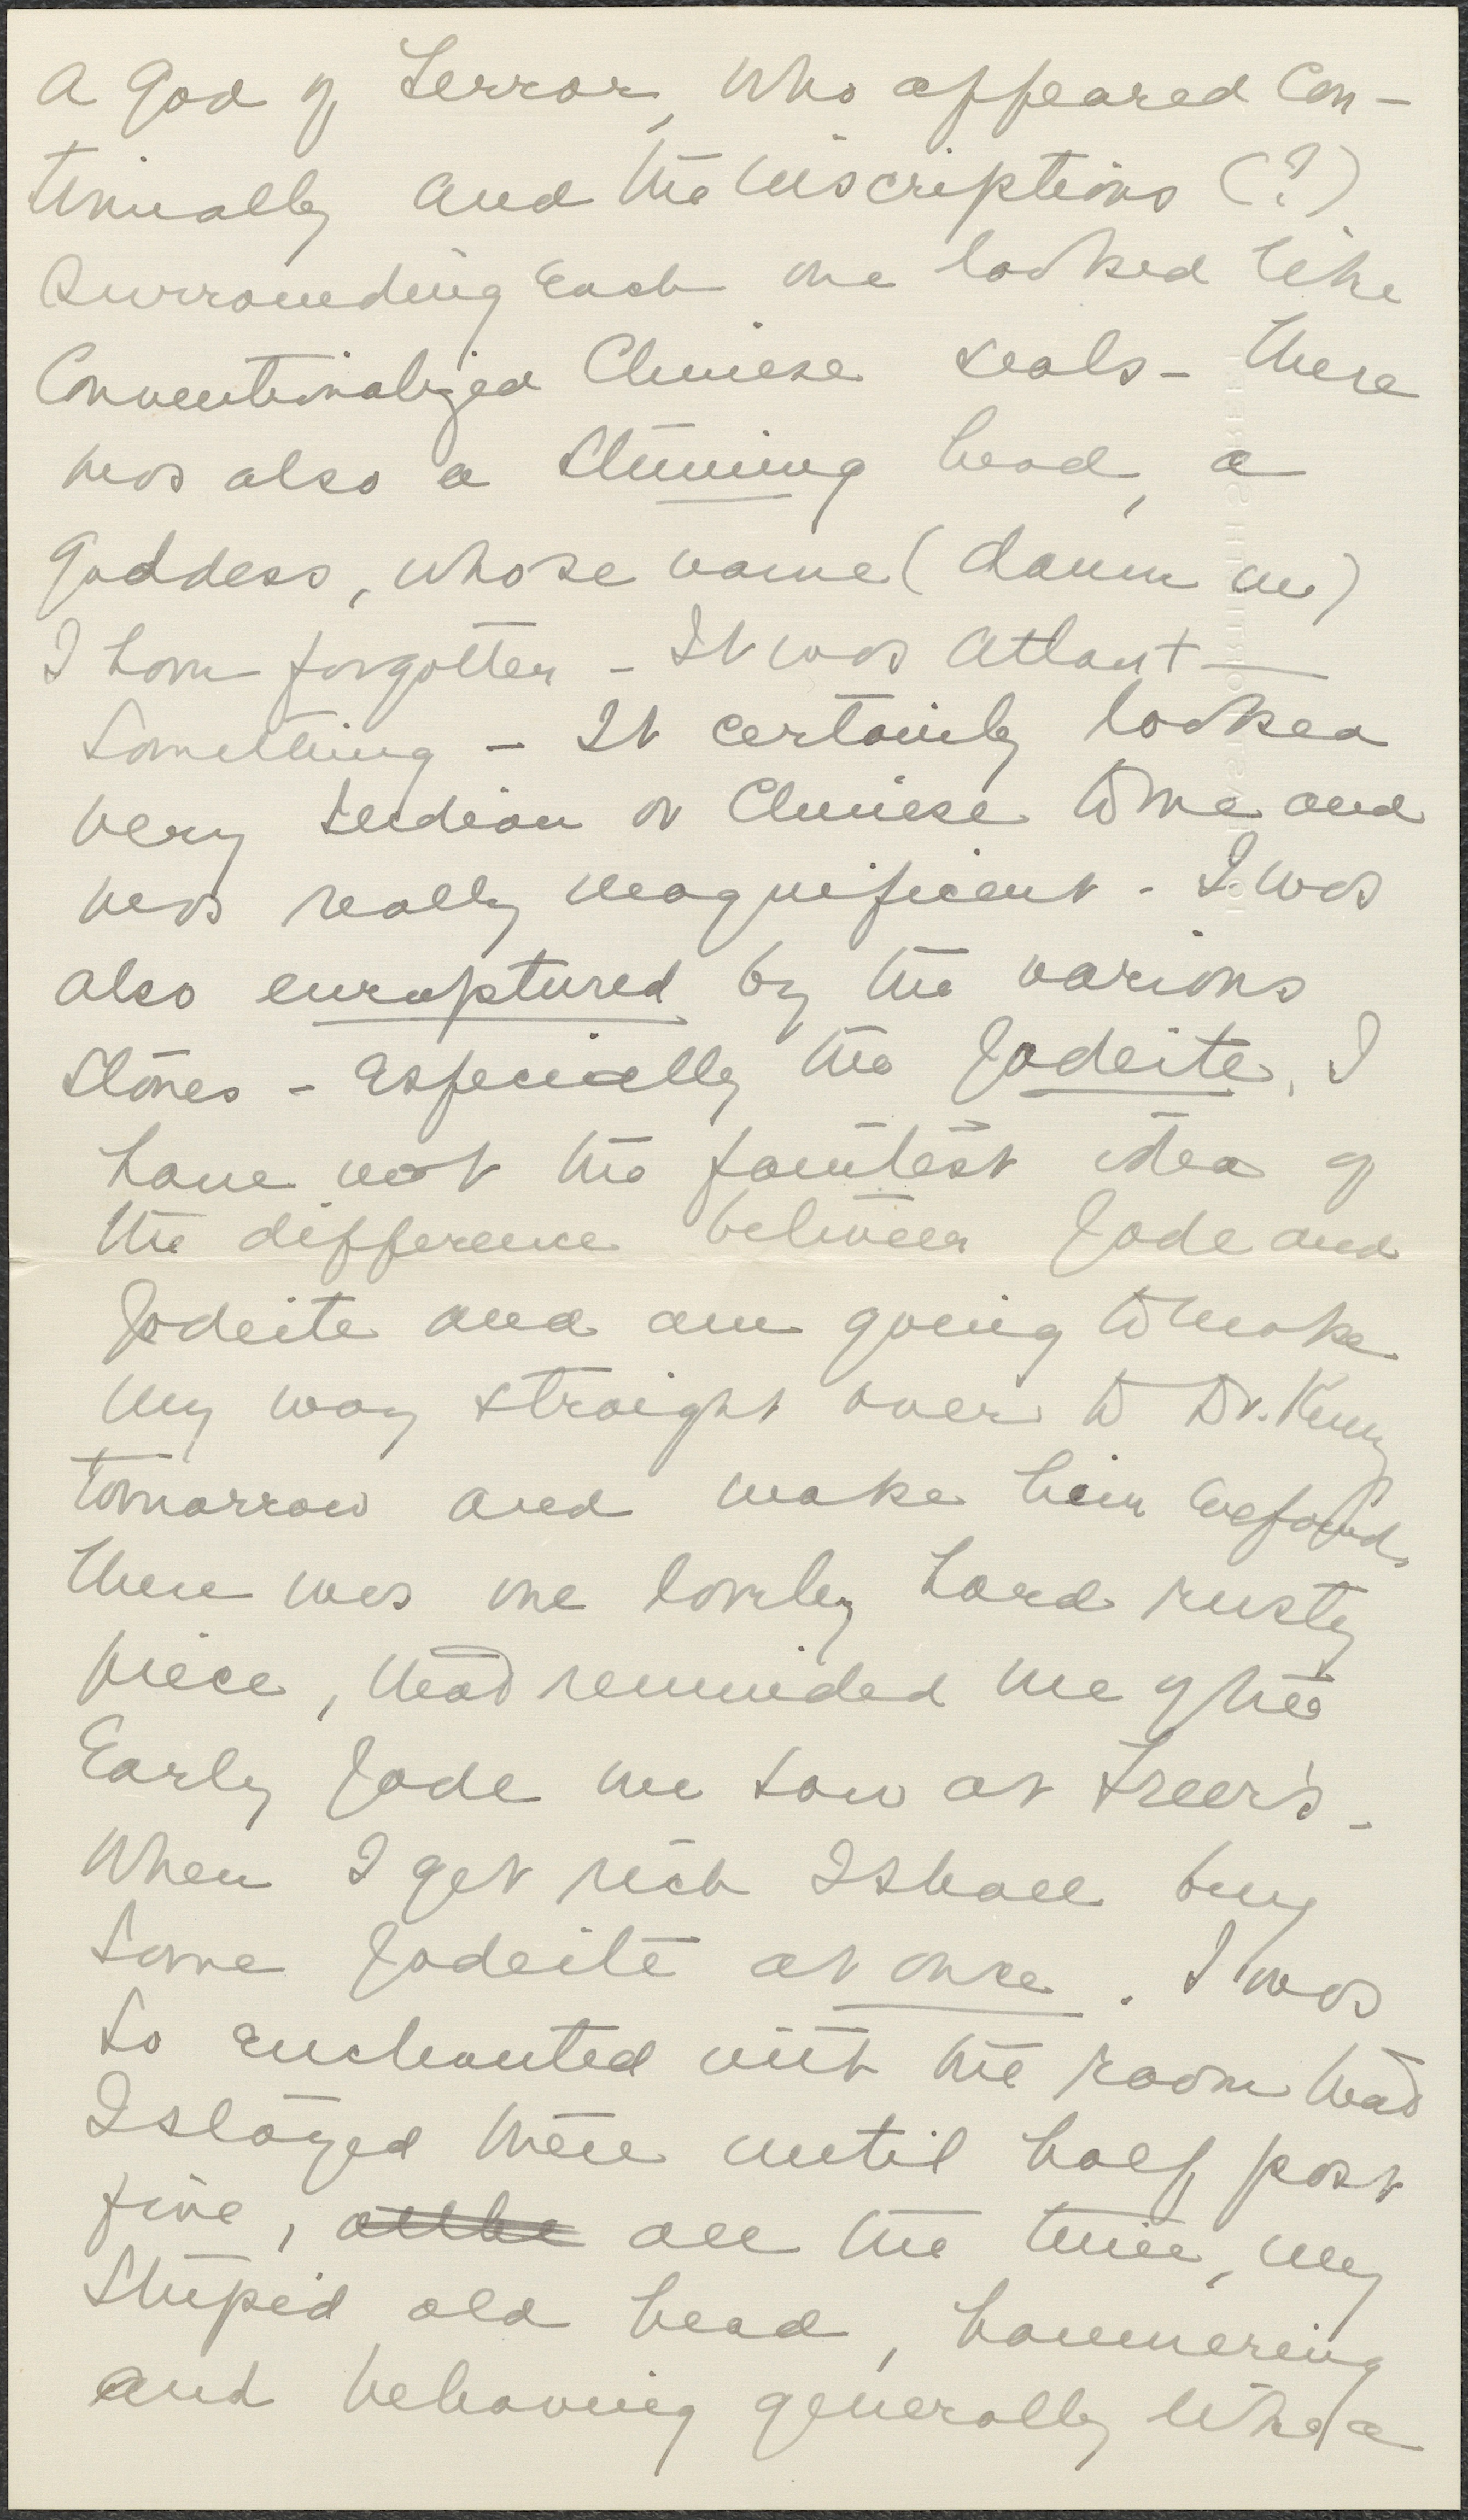a God of Terror, who appeared continually and the inscriptions (?) surrounding each one looked like Conventionalized Chinese seals – there was also a stunning head, a Goddess, whose name (damn me) I have forgotten – It was Atlant— something – It certainly looked very Indian or Chinese to me and was really magnificent. I was also enraptured by the various stones – especially the Jadeite. I have not the faintest idea of the difference between Jade and Jadeite and am going to make my way straight over to Dr. Kenz tomorrow and make him expound. There was one lovely hard rusty piece, that reminded me of the Early Jade we saw at Freer’s – When I get rich I shall buy some Jadeite at once. I was so enchanted with the room that I stayed there until half past five, allhe all the time, my stupid old head, hammering and behaving generally like a